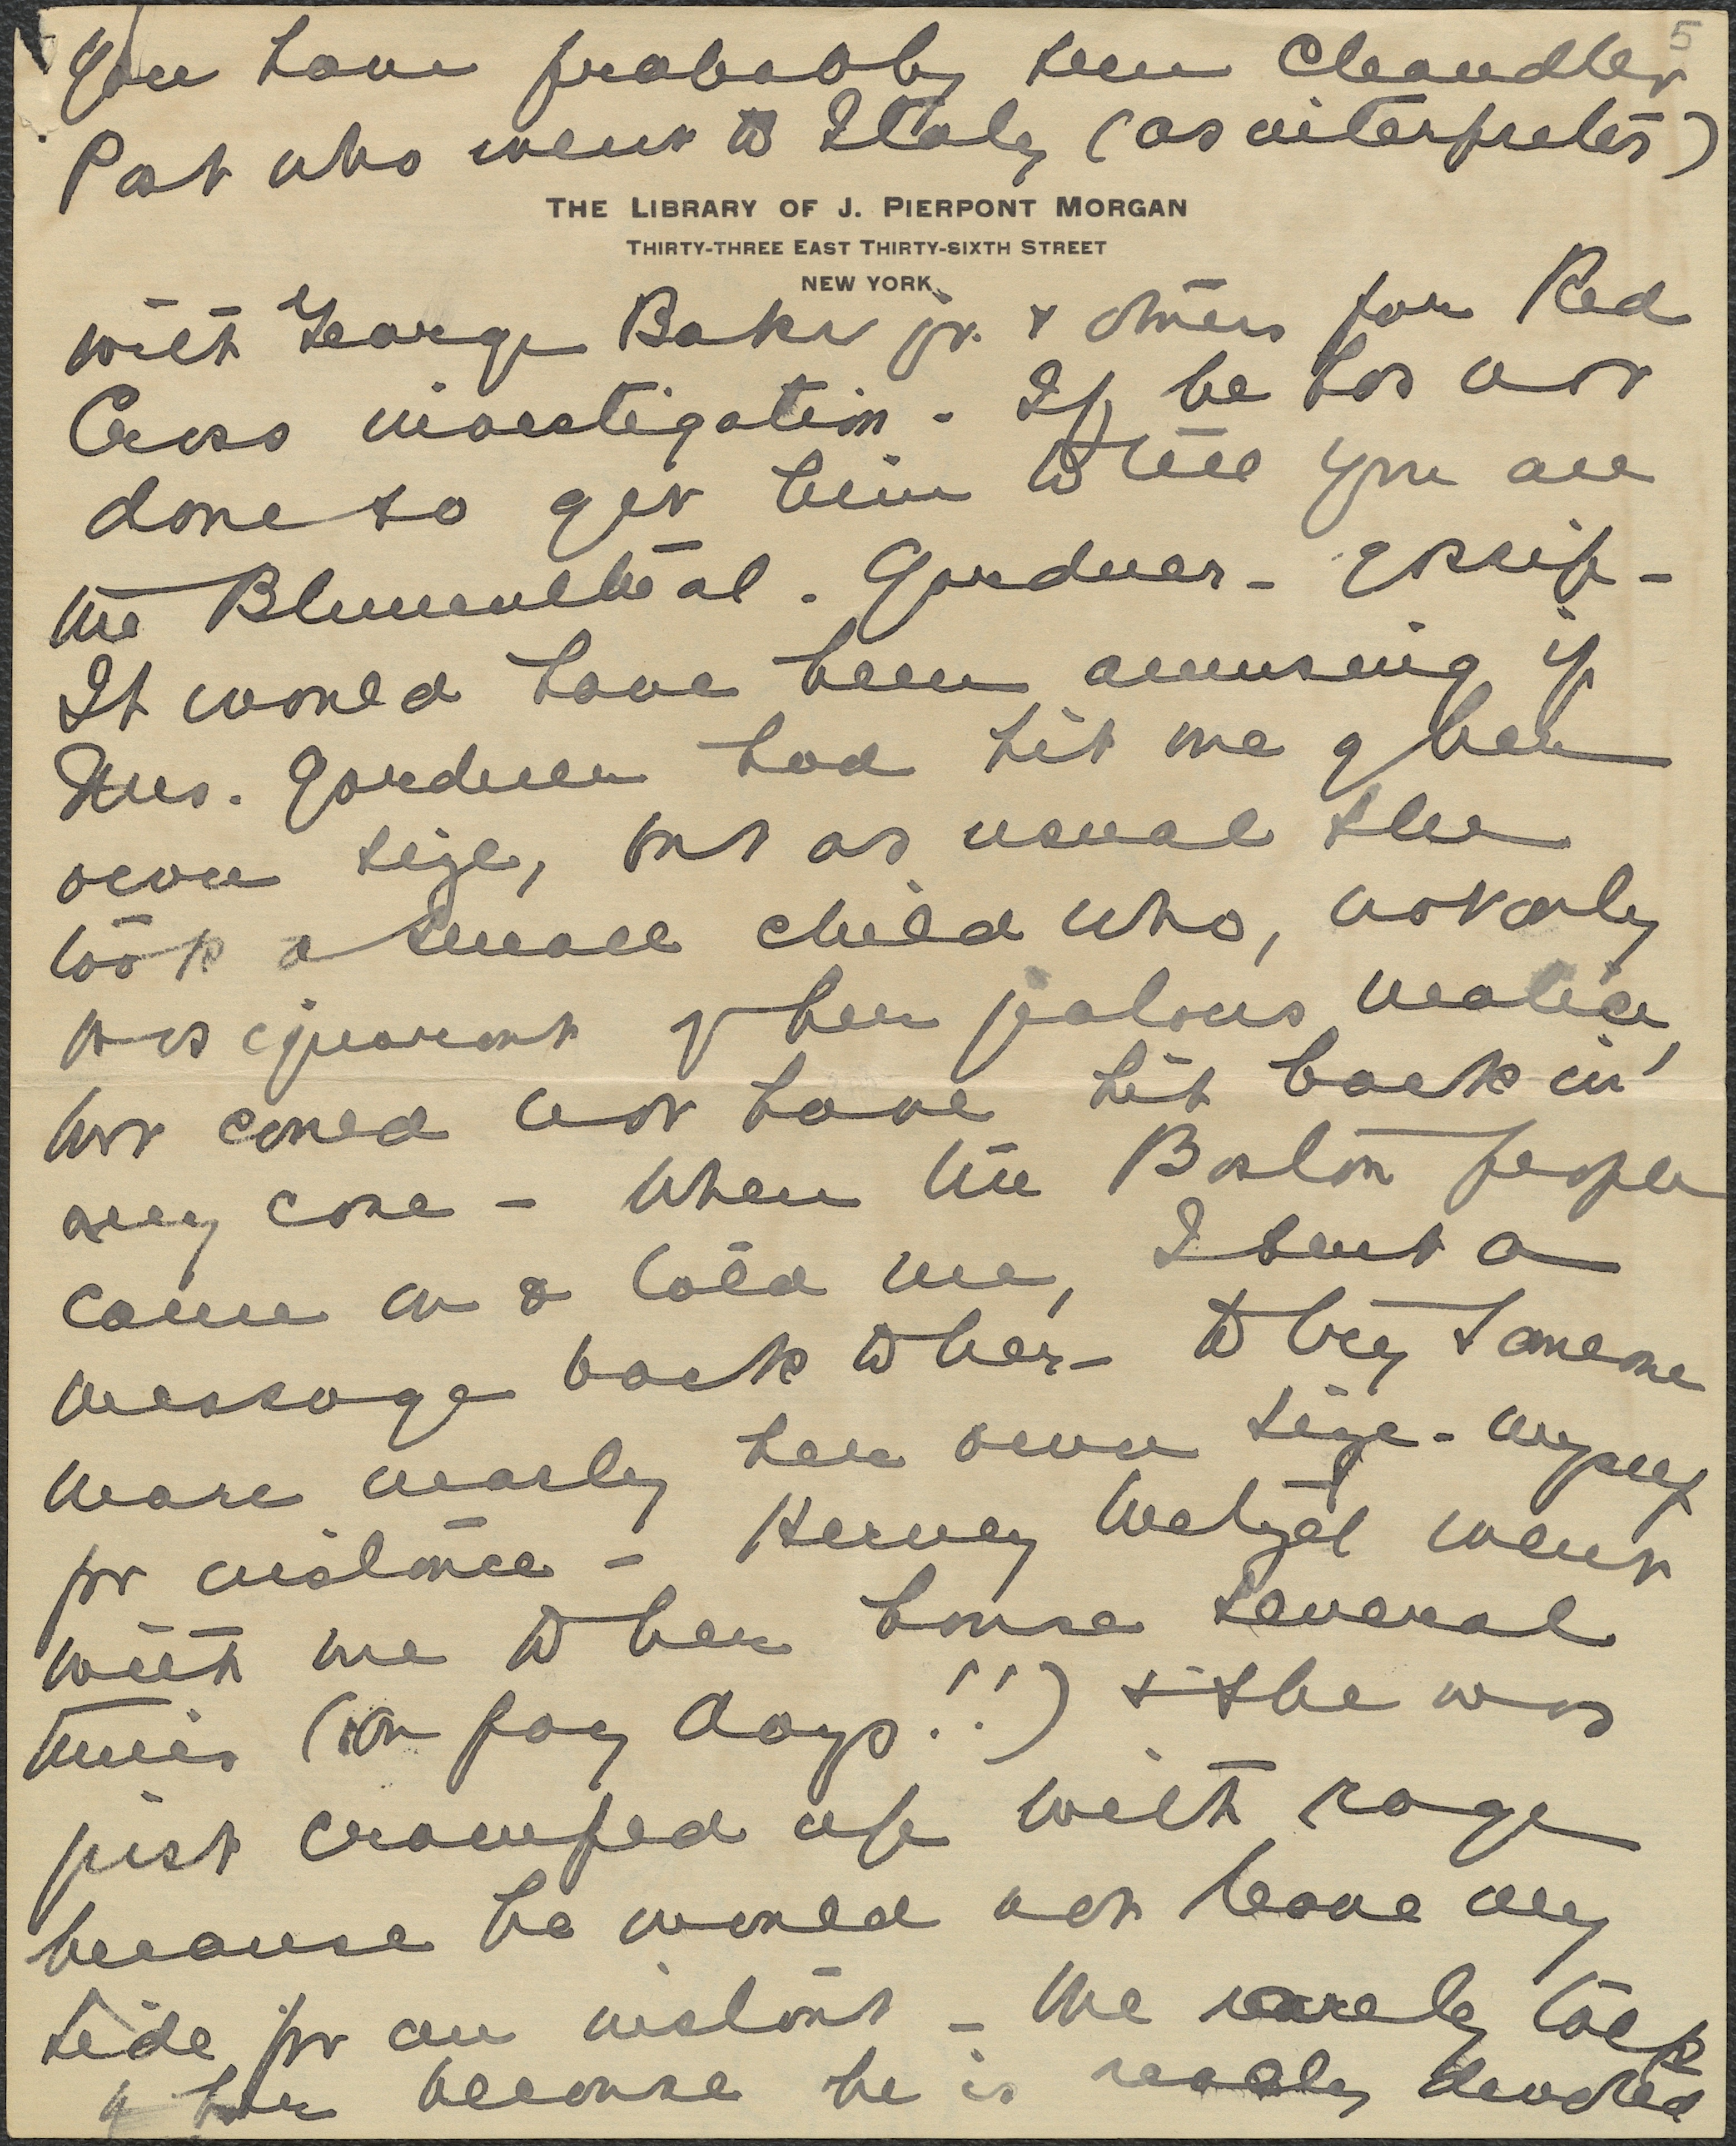You have probably seen Chandler Post who went to Italy (as interpreter) with George Baker jr. & others for Red Cross investigation – If he has not done so get him to tell you all the Blumenthal-Gardner – gossip – It would have been amusing if Mrs. Gardner had hit one of her own size, but as usual she took a small child who, not only was ignorant of her jealous malice, but could not have hit back in any case – When the Boston people came in & told me, I sent a message back to her – to try someone more nearly her own size – myself for instance – Hervey Wetzel went with me to her house several times (on pay days!!) & she was just cramped up with rage because he would not leave my side for an instant – We rarely talk of her because he is really devoted